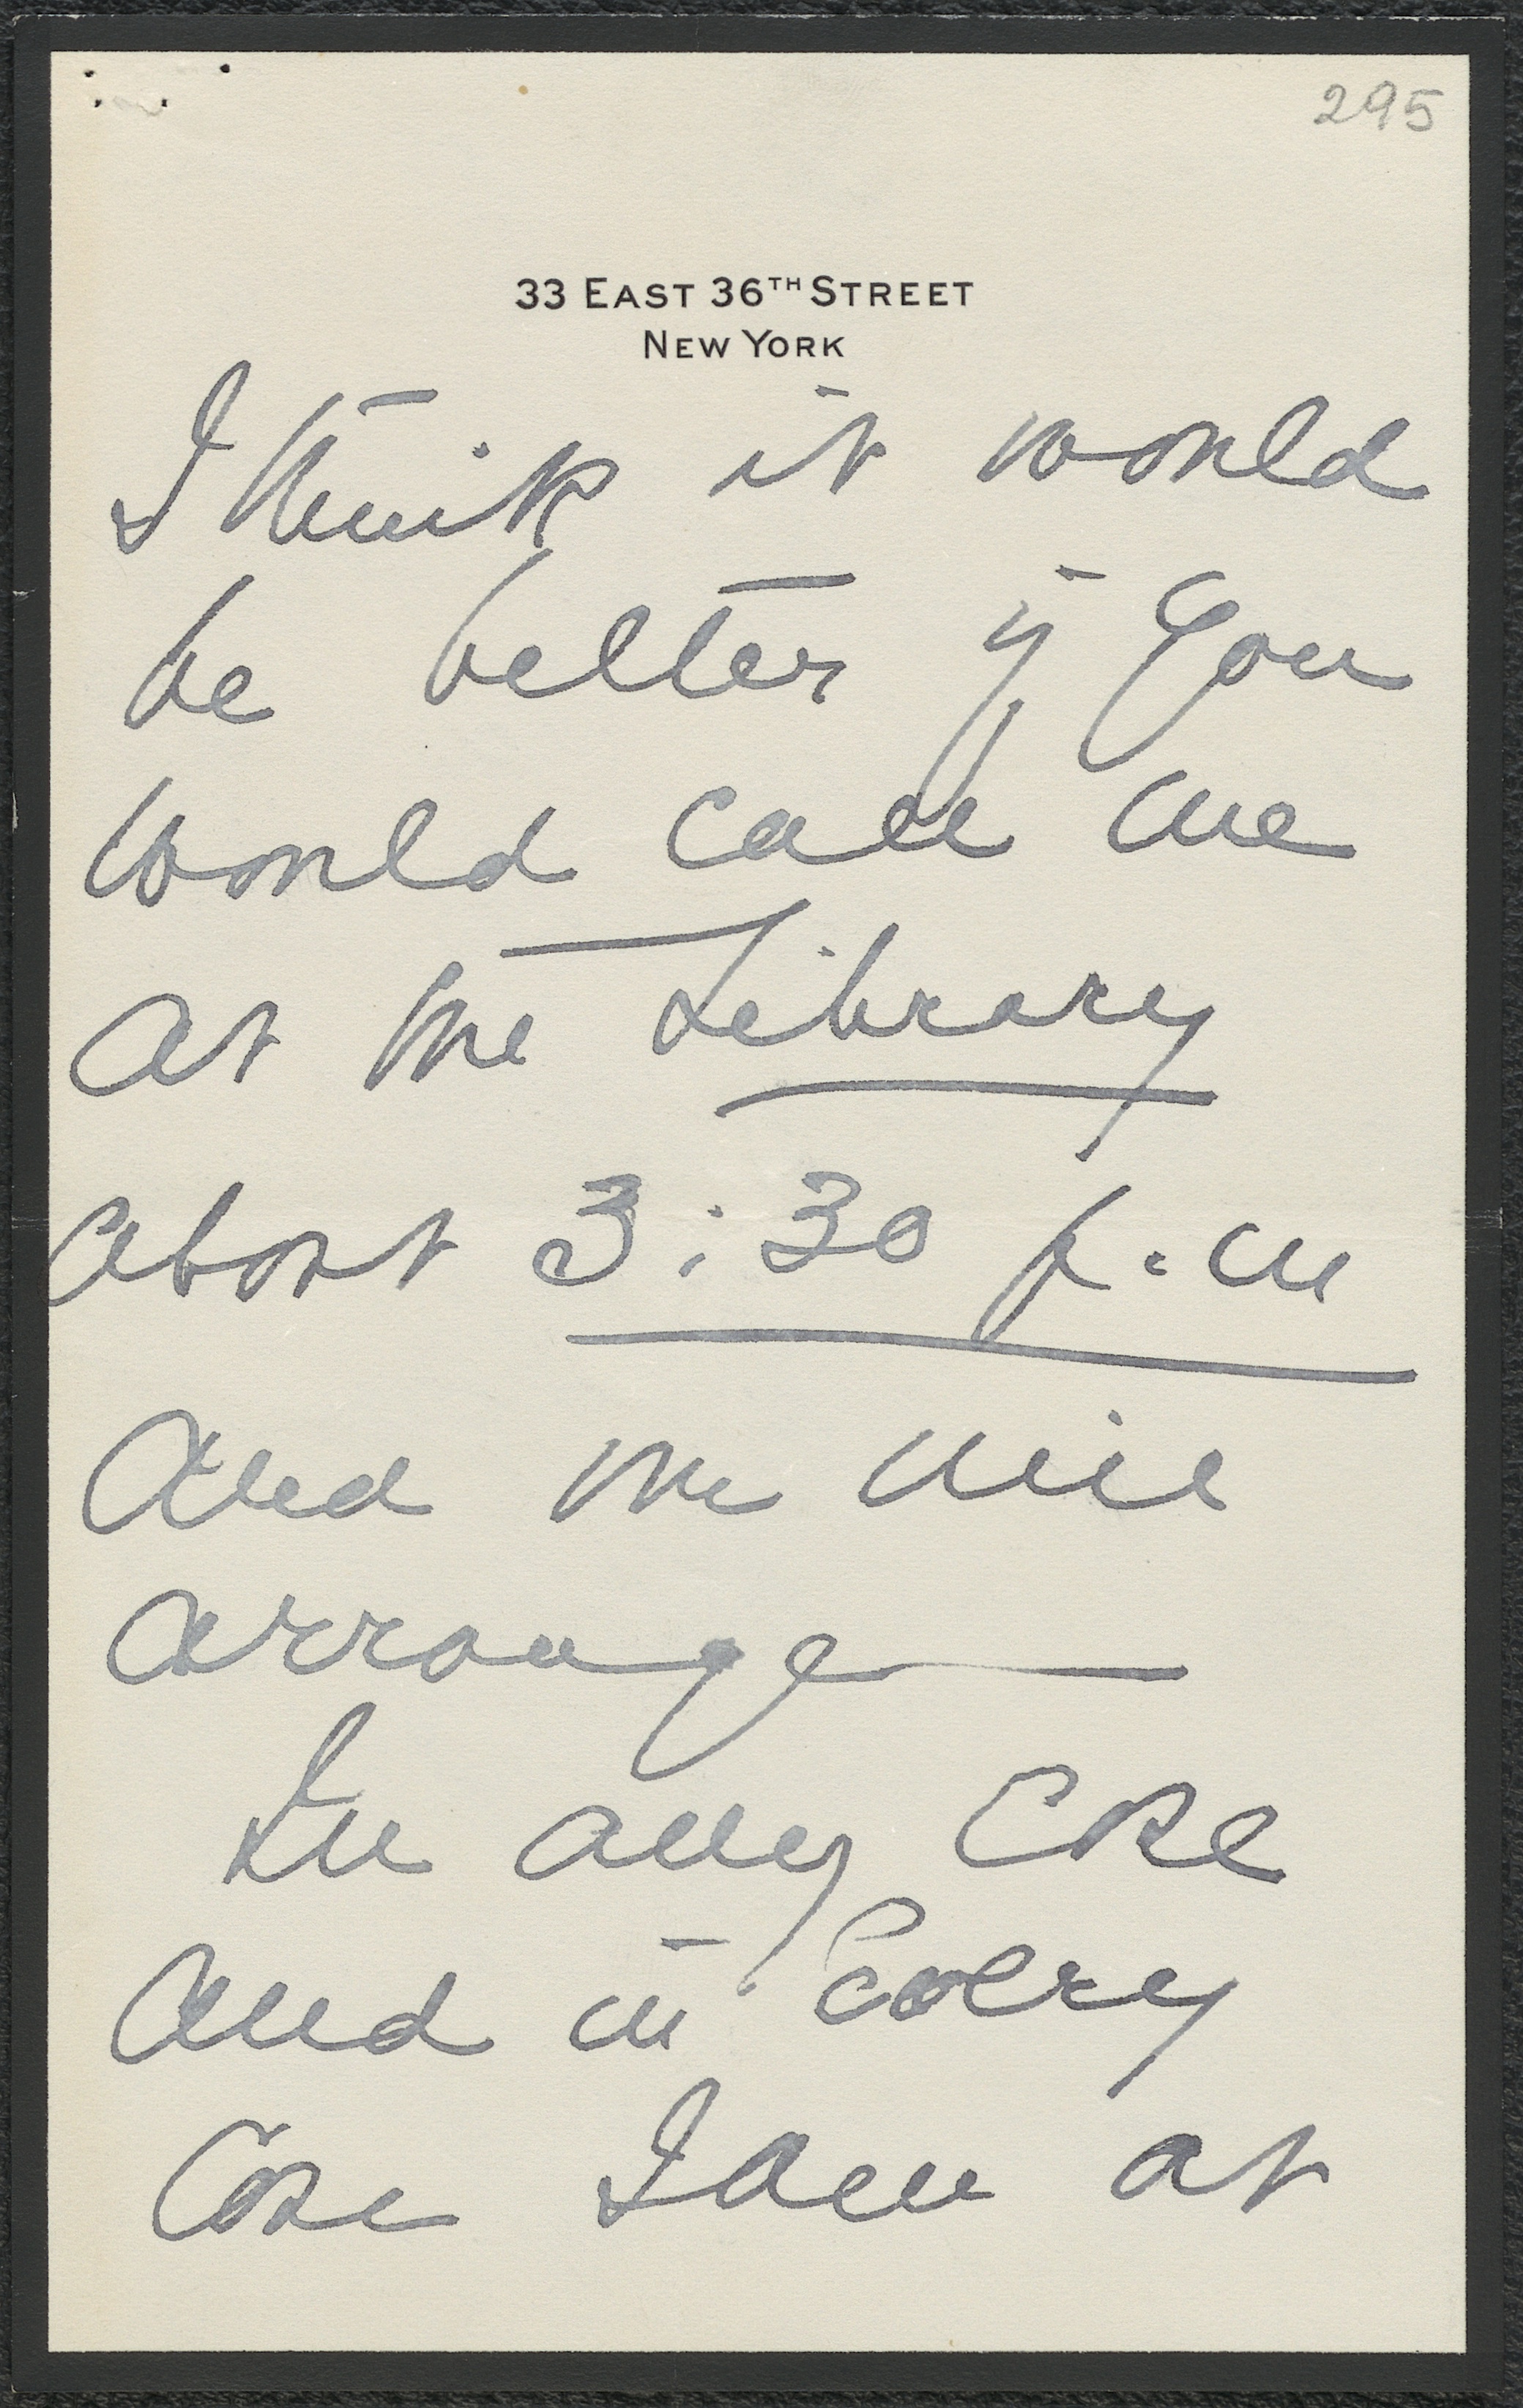I think it would be better if you would call me at the Library about 3:30 p.m and we will arrange – In any case and in every case I am at